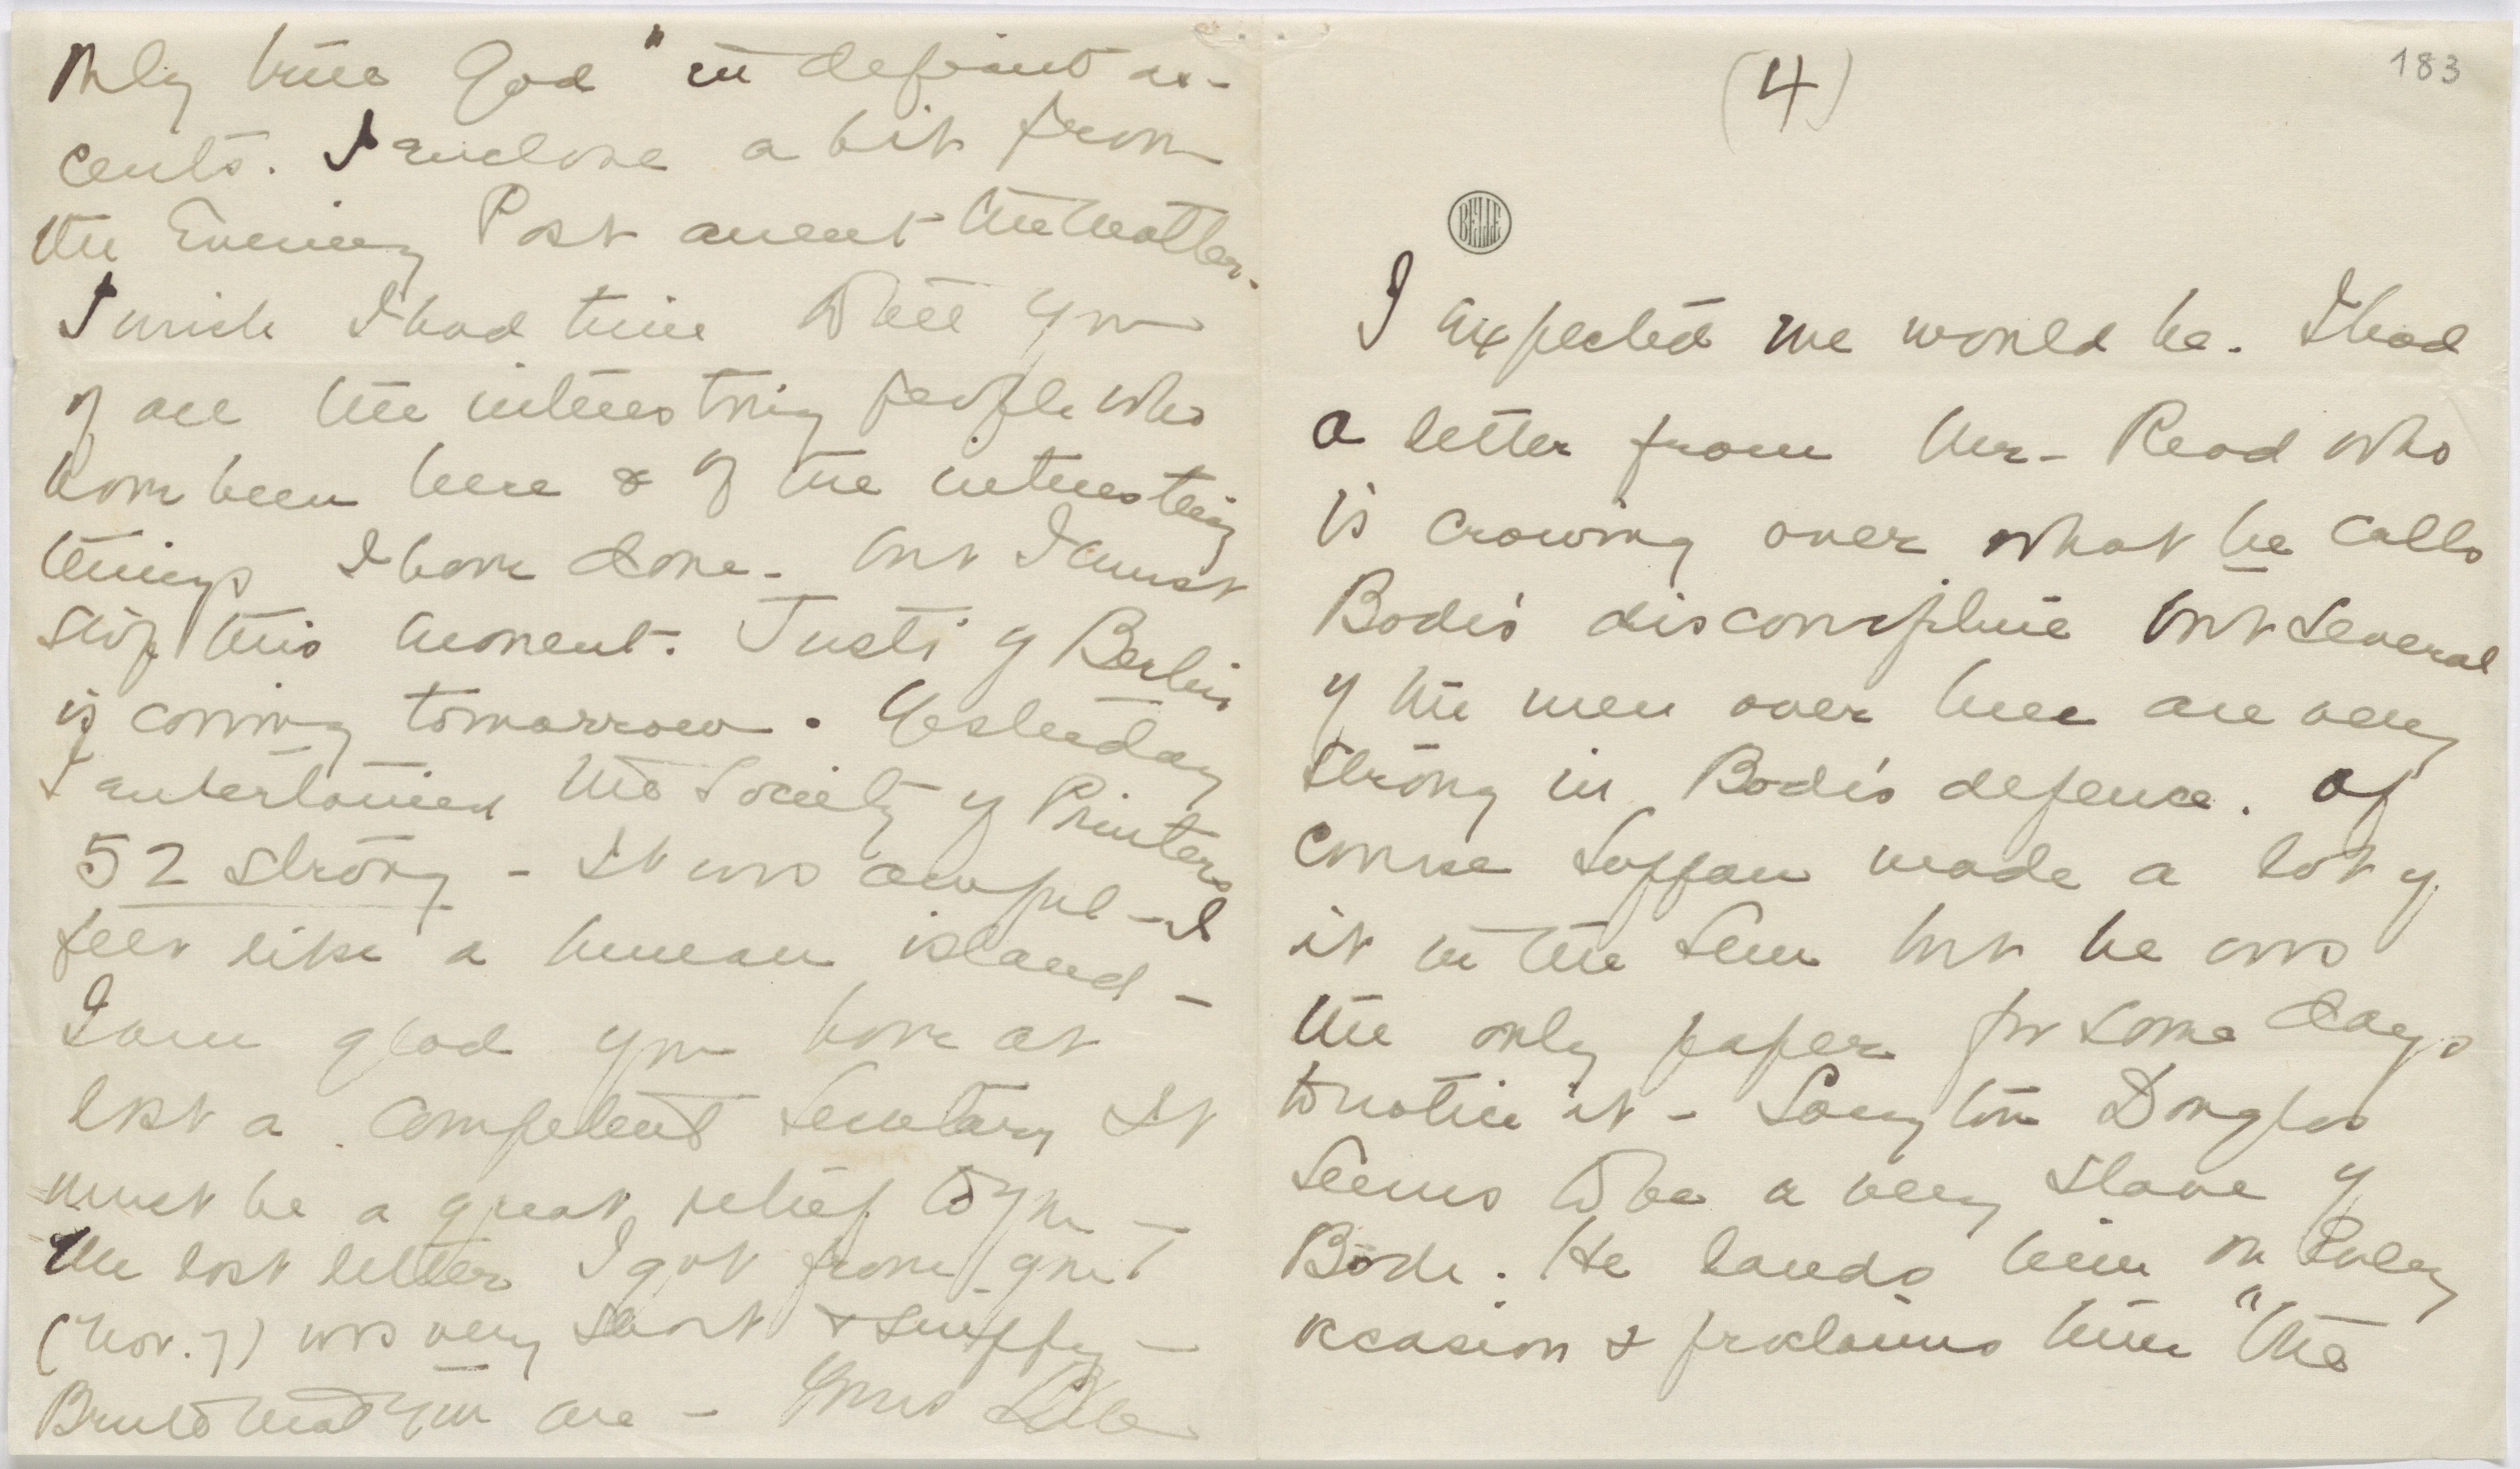(4)
I expected we would be – I had a letter from Mr. Read who is crowing over what he calls Bode’s discomfiture but several of the men over here are very strong in Bode’s defence. Of course Laffan made a lot of it in the Sun but he was the only paper for some days to notice it – Langton Douglas seems to be a very slave of Bode. He lauds him on every occasion & proclaims him “the
only true God” in defiant accents. I enclose a bit from the Evening Post about the matter – I wish I had time to tell you of all the interesting people who have been here & of the interesting things I have done – but I must stop this moment. Justi of Berlin is coming tomorrow. Yesterday I entertained the Society of Printers 52 strong – It was awful – I feel like a human island – I am glad you have at last a competent Secretary It must be a great relief to you – The last letter I got from you (Nov. 7) was very short & snippy – Brute that you are – Yours Belle